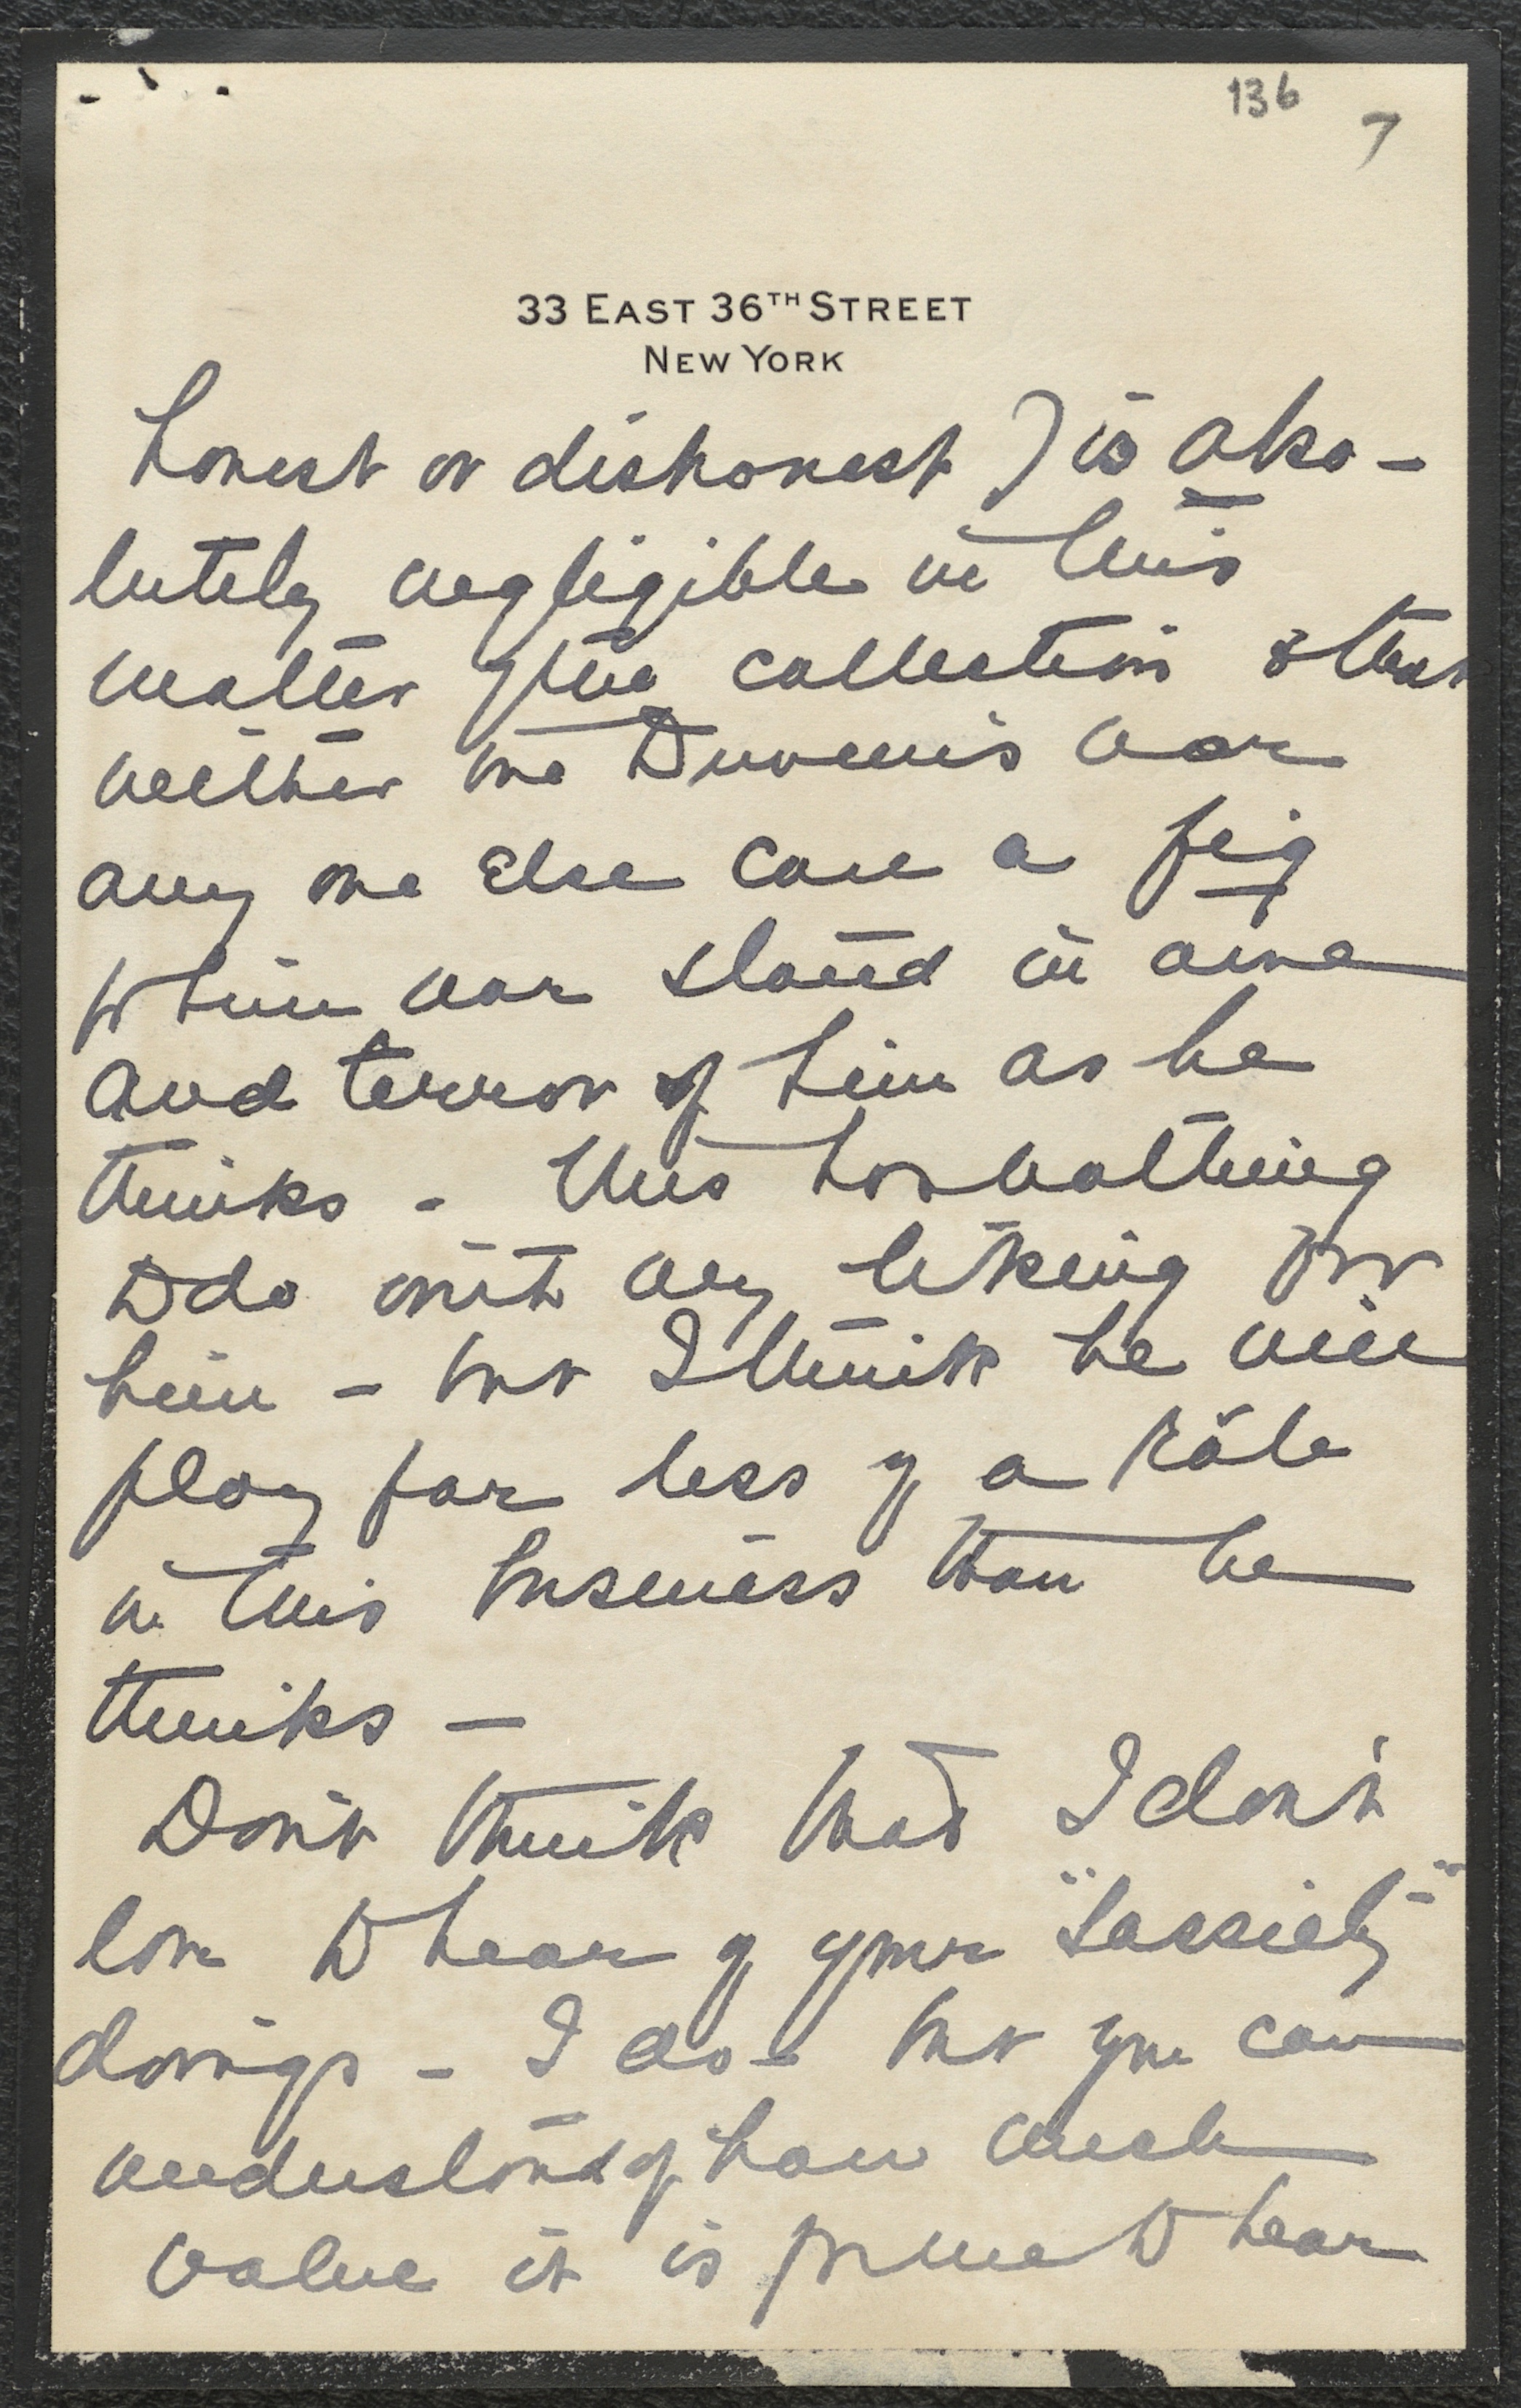honest or dishonest) is absolutely negligible in this matter of the collection & that neither the Duveen’s nor anyone else care a fig for him nor stand in awe and terror of him as he thinks – this has nothing to do with any liking for him – but I think he will play far less of a role in this business than he thinks –
Don’t think that I don’t love to hear of your “sassiety” doings – I do – but you can understand of how much value it is for me to hear